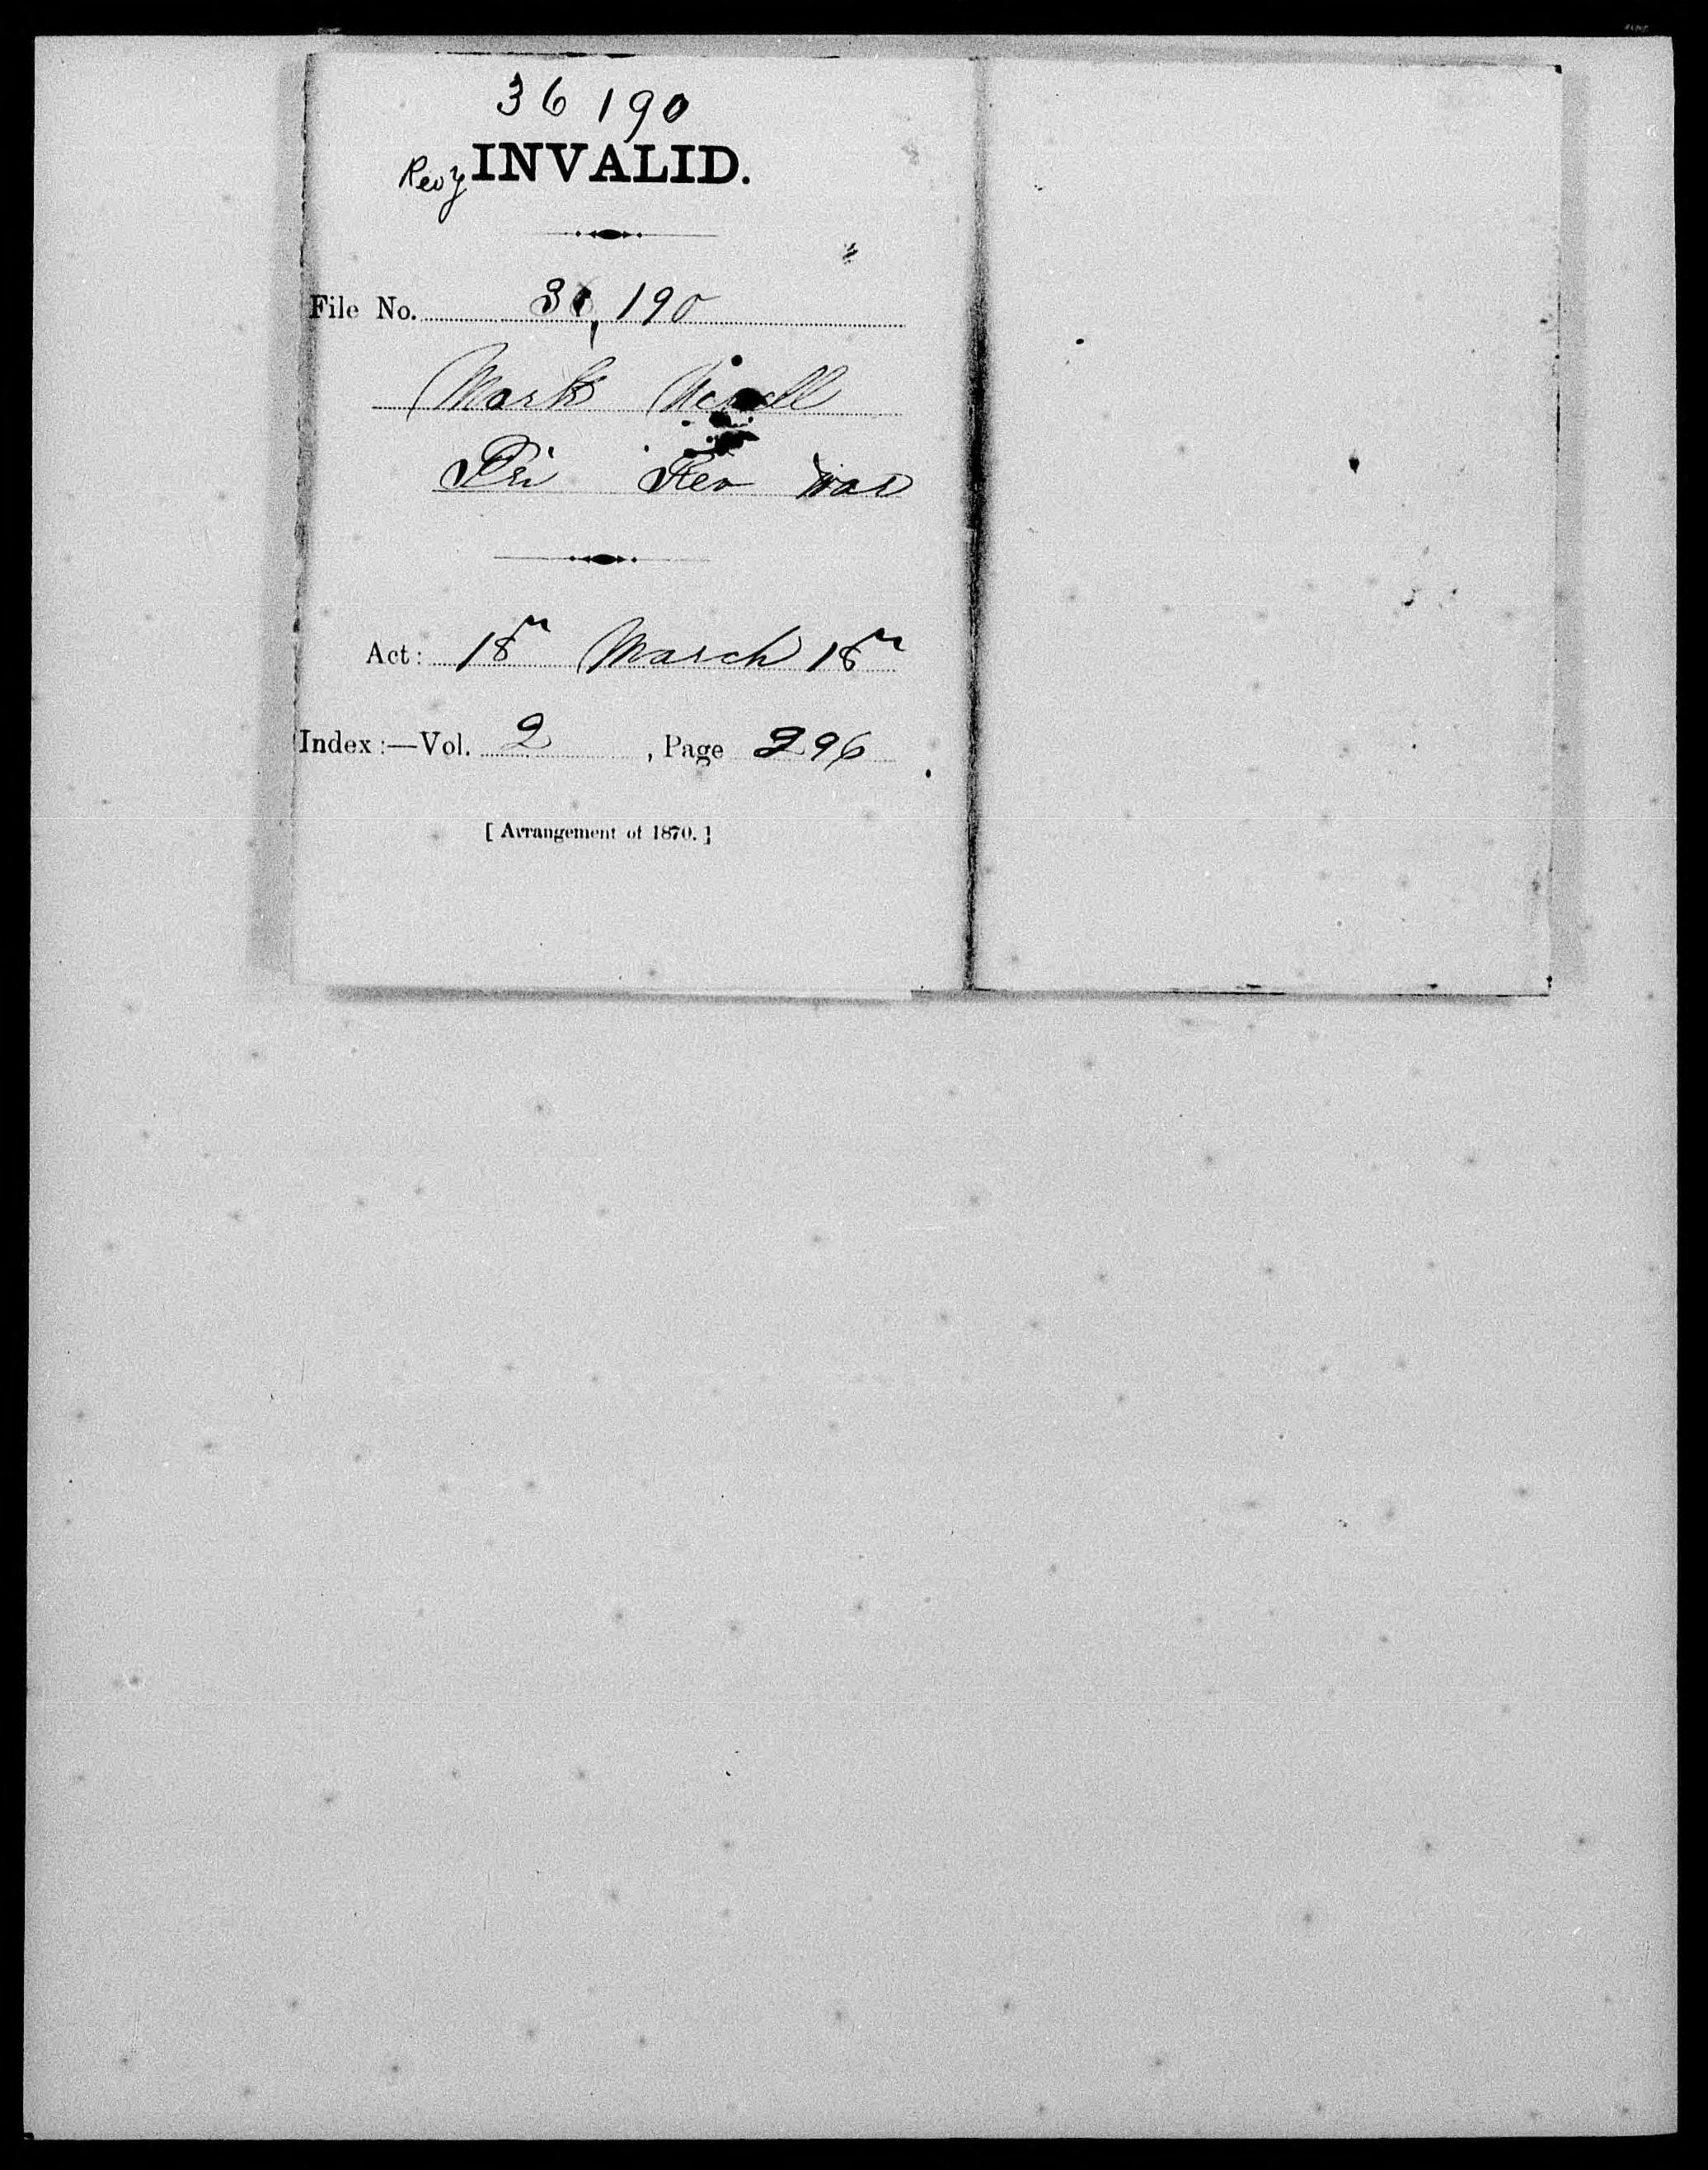[Printed document with handwritten entries]

36190
Revy INVALID

File No. 36,190
Mark Newell
Pri Rev war

Act: 18th March 1818
Index:-Vol. 2, Page 296

[Arrangement of 1870]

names: Mark Newell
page: 3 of 9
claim: survivor's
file: S. 36190, for Mark Newell, Connecticut